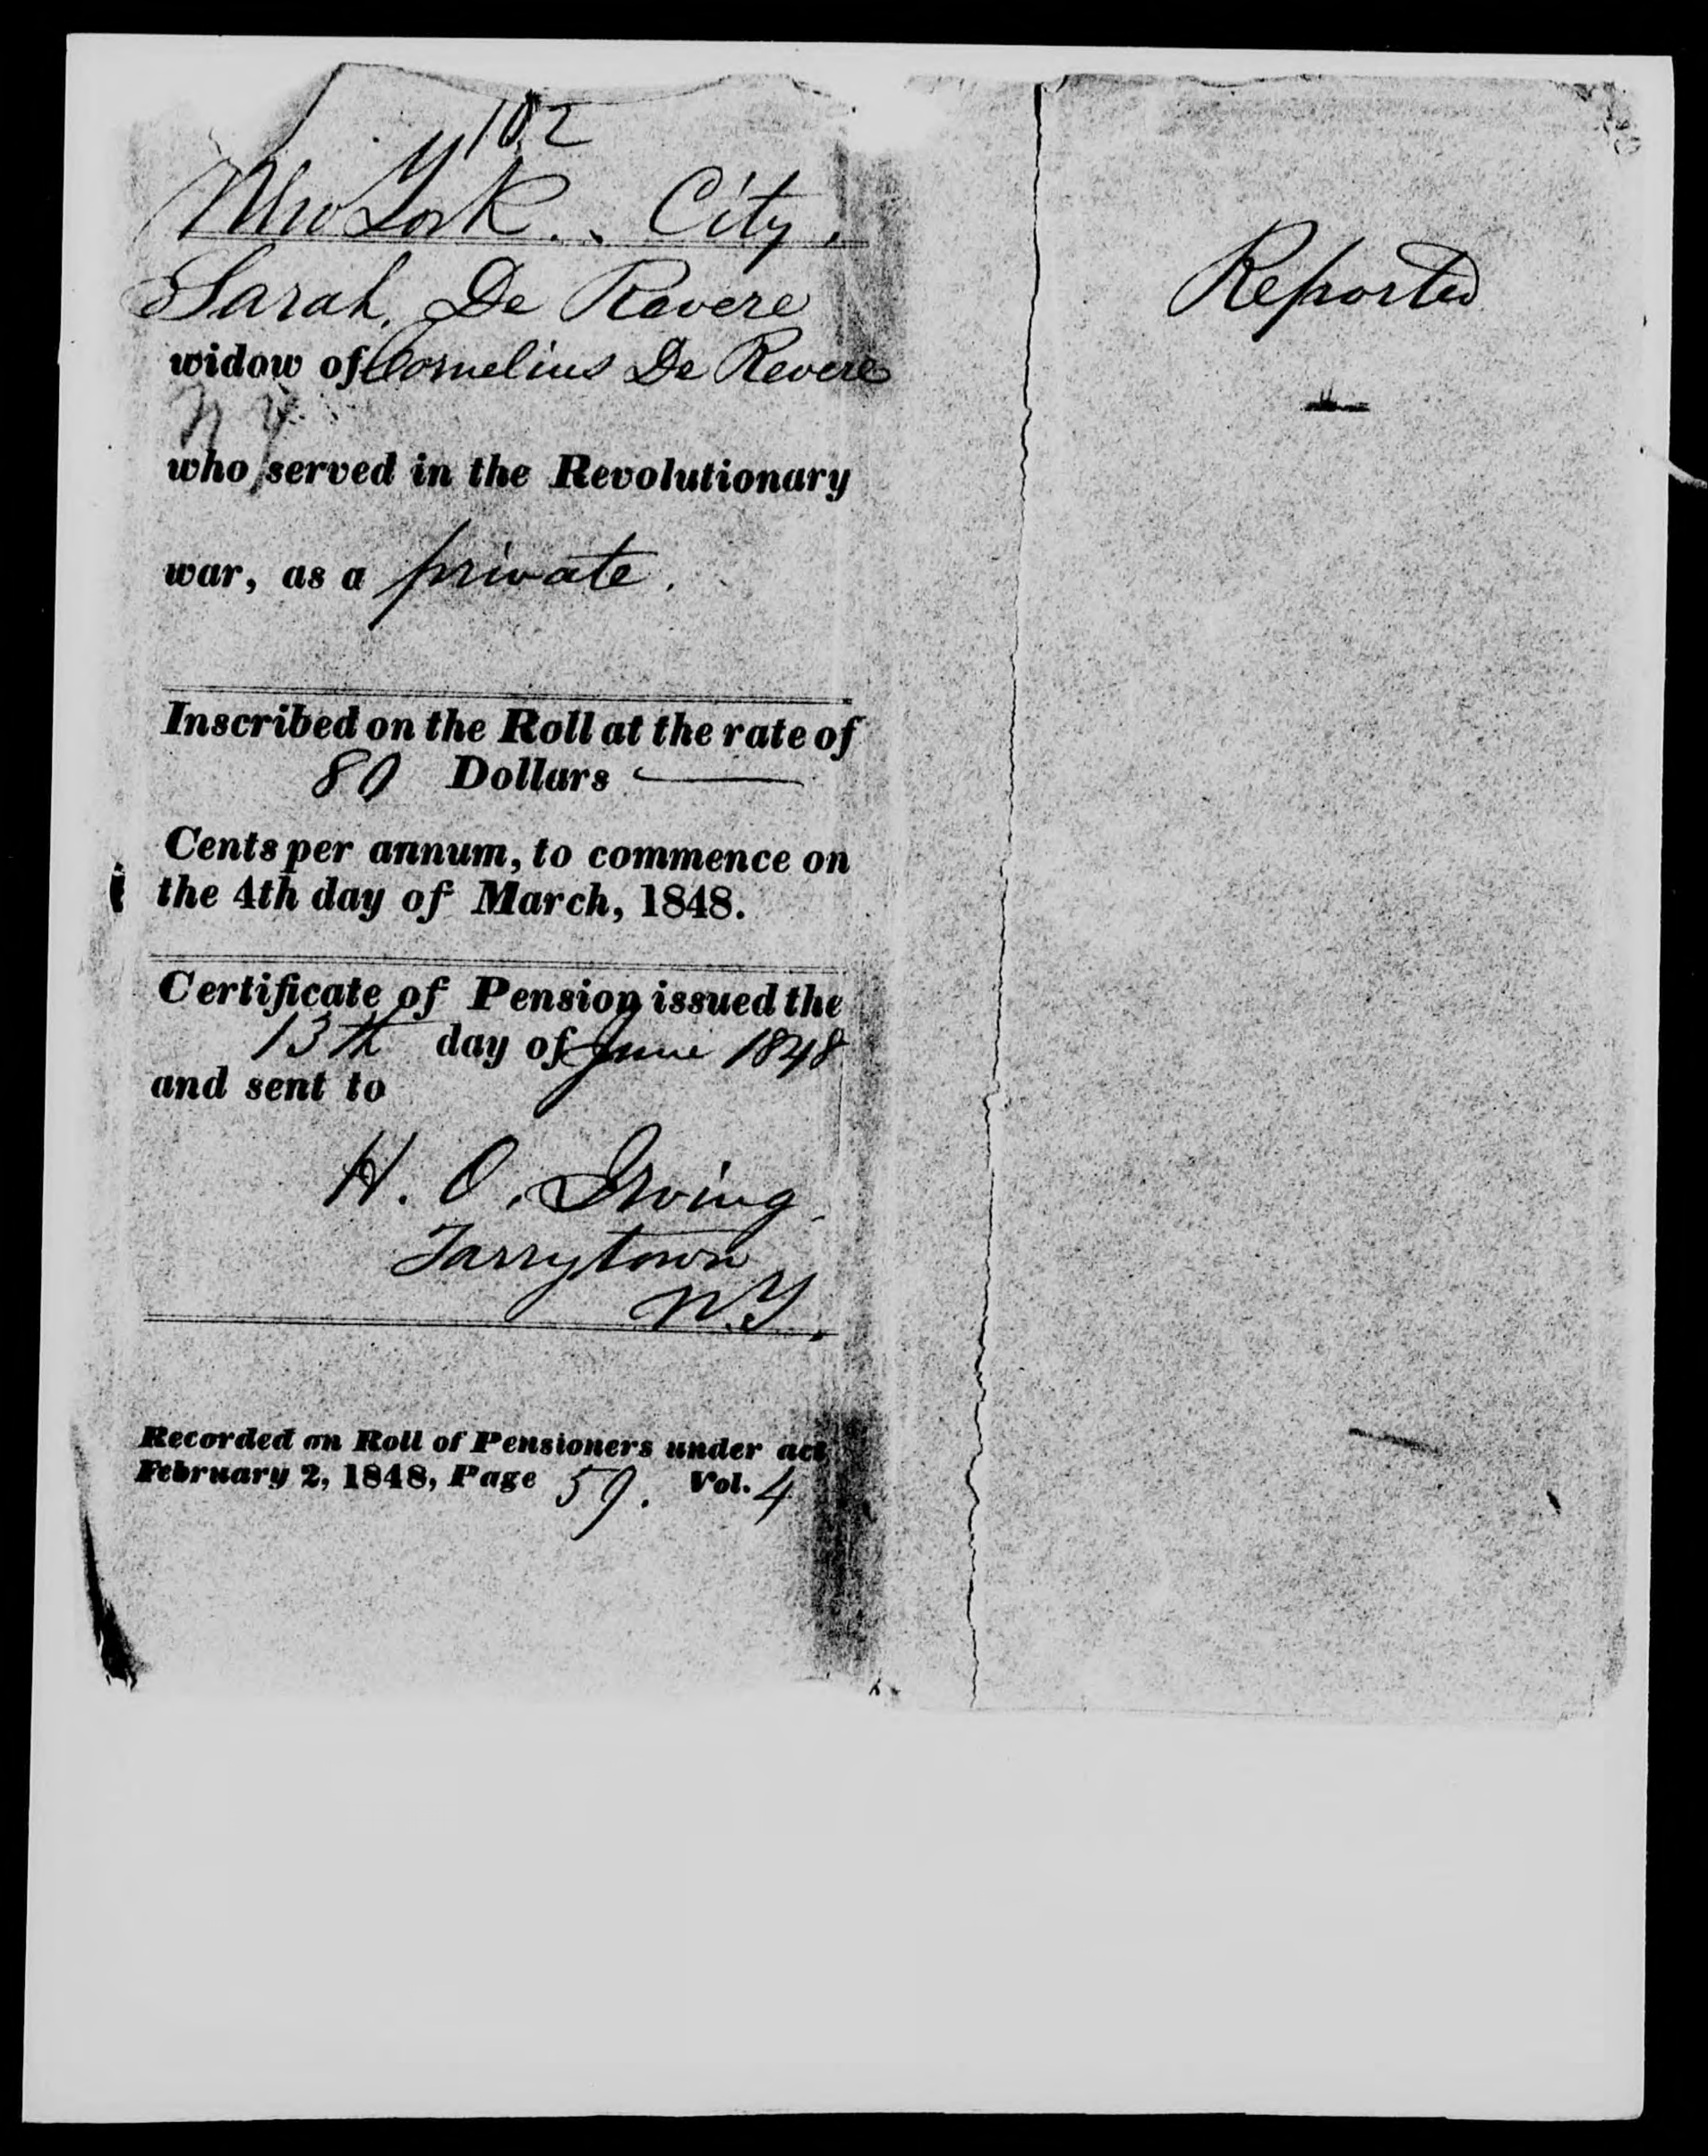102

New York City 

Sarah De Revere
widow of Cornelius De Revere
N.Y. 
who served in the Revolutionary 
war, as a private

Inscribed on the Roll at the rate of 
80 Dollars

Cents per annum, to commence on 
the 4th day of March, 1848.

Certificate of Pension issued the
13th day of June 1848
and sent to 
H.O. Irving
Tarrytown
N.Y. 

Recorded on Roll of Pensioners under act
February 2, 1848, Page 59, Vol. 4

Reported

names: Sarah De Revere, Cornelius De Revere, H O Irving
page: 2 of 40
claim: widow's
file: W. 24057, Cornelius De Revere, New York